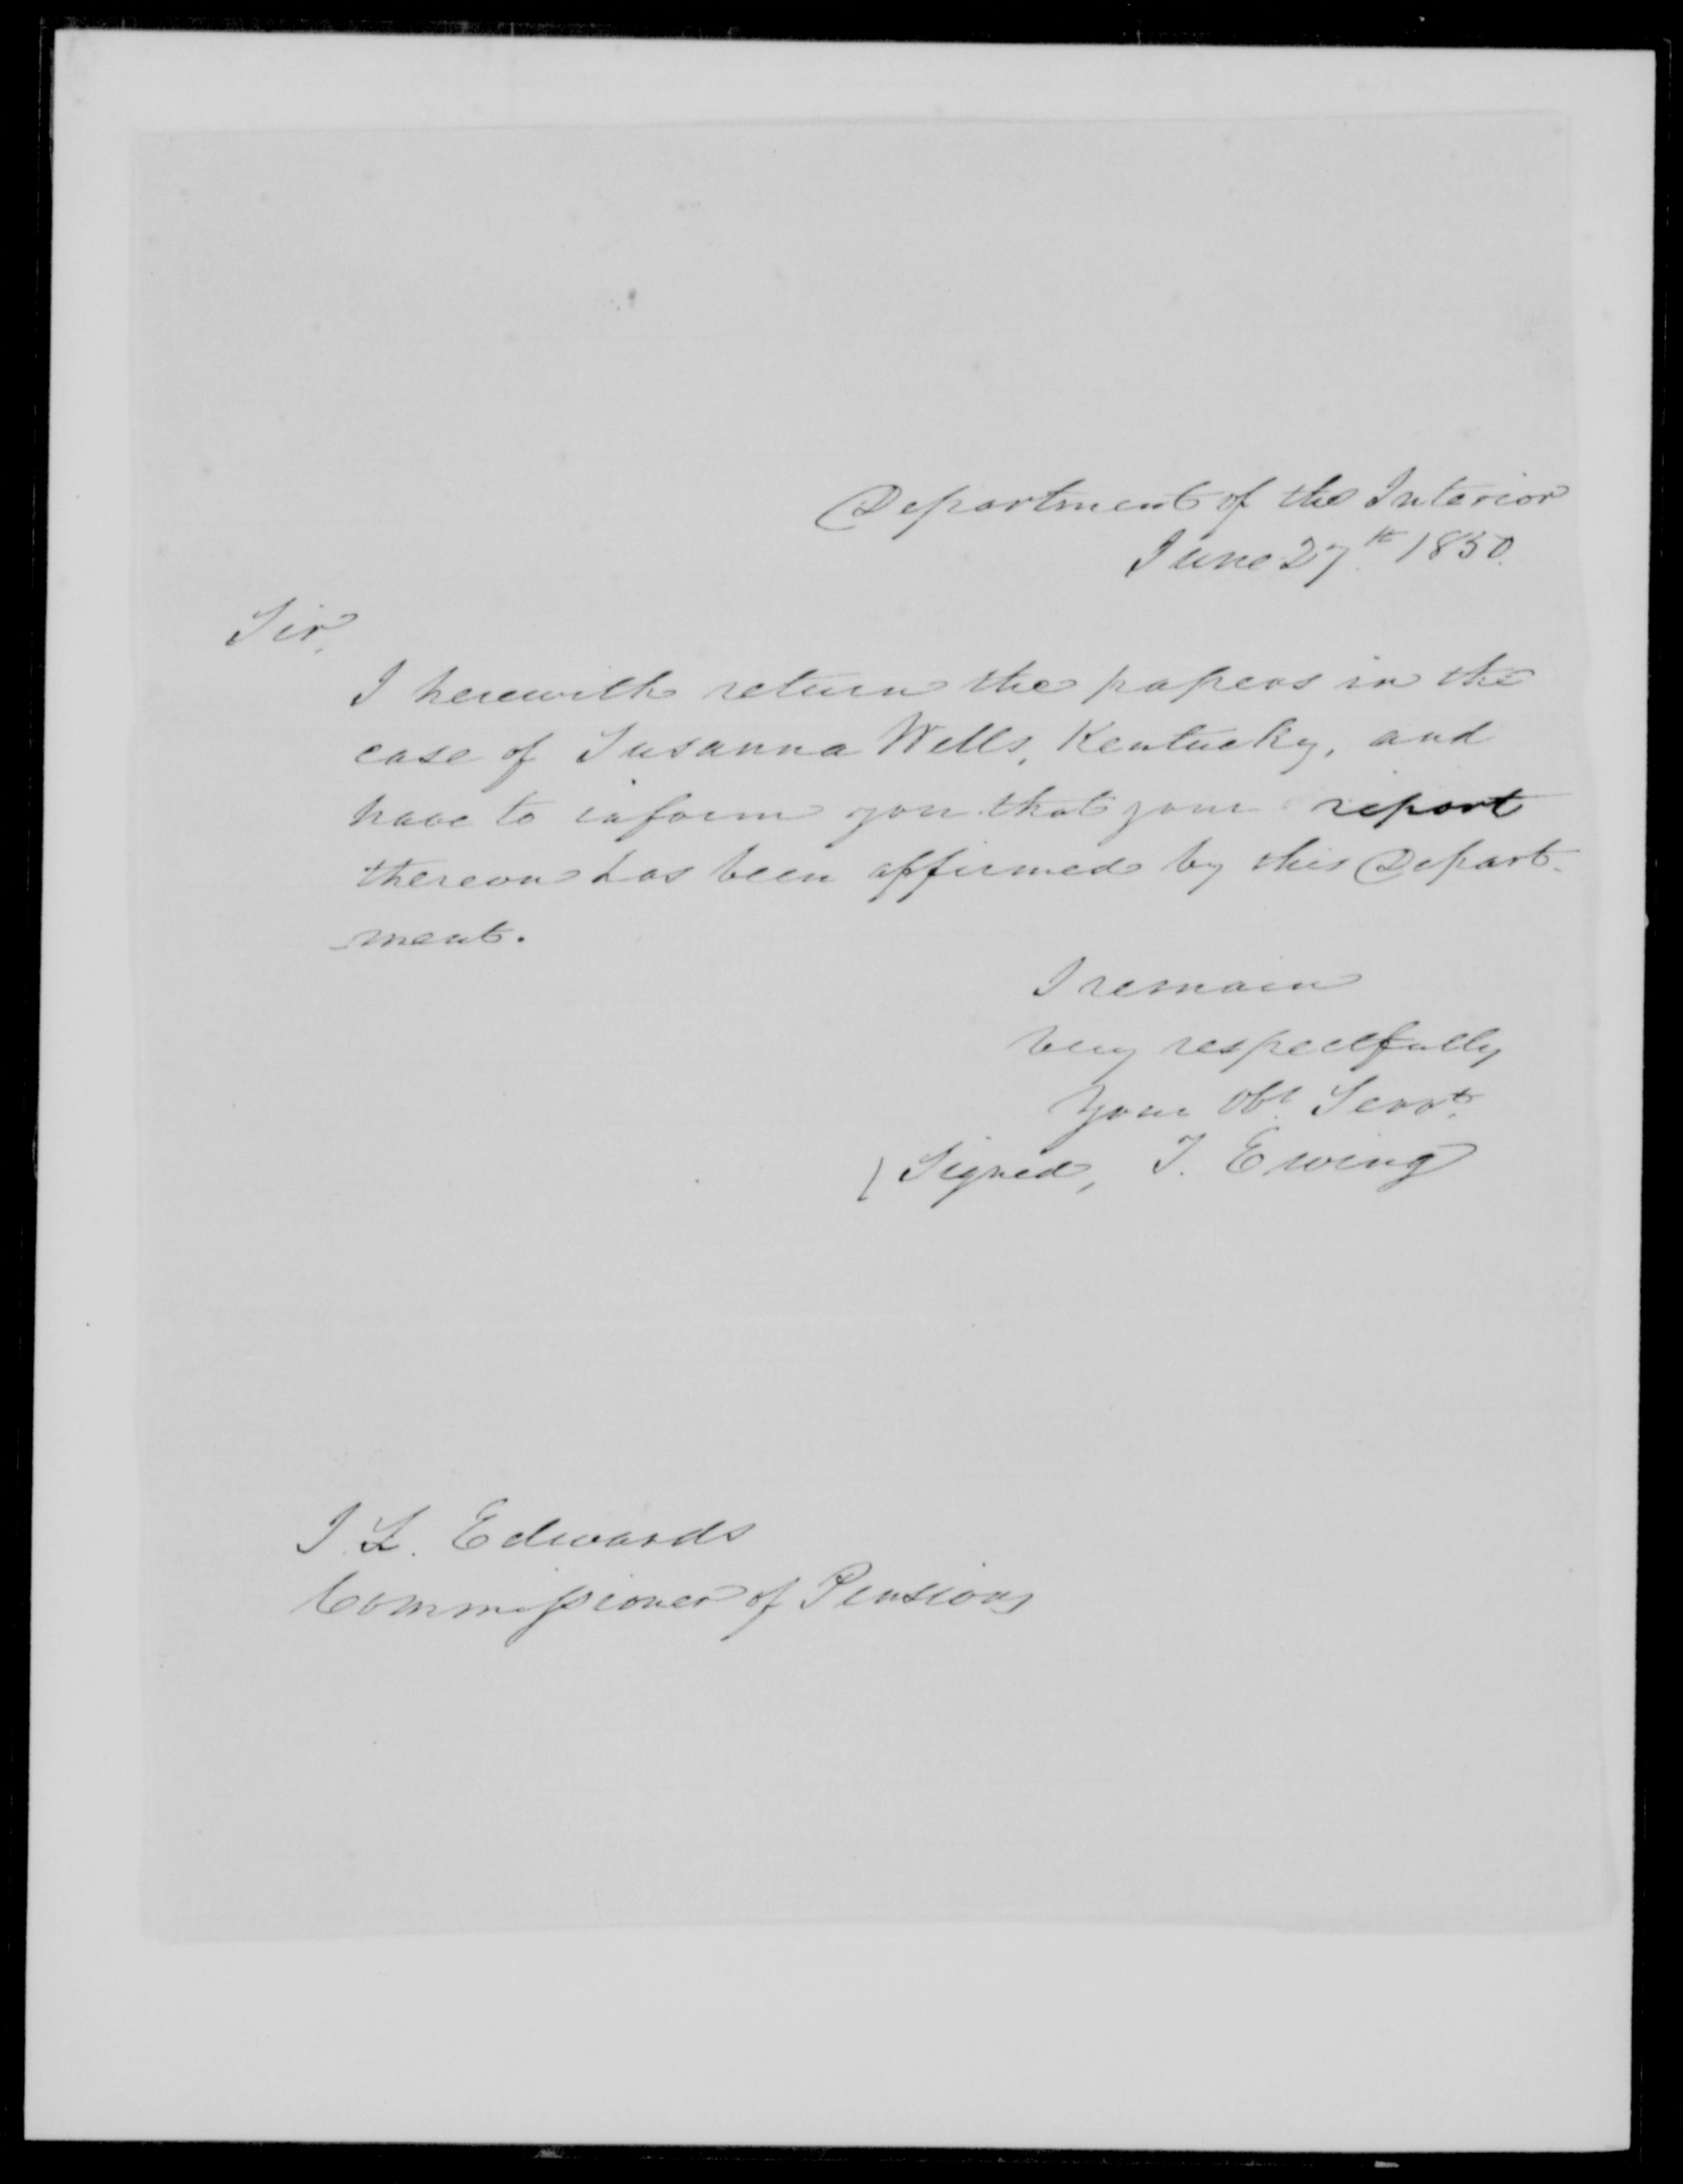Department of the Interior
June 27th 1830
Sir
I herewith return the papers in the
case of Susanna Wells, Kentucky, and
have to inform you that your report
thereon has been affirmed by this Depart.
ment.
I remain
Very respectfully
Your Obt Servt
Signed, T. Ewing

J. L. Edwards
Commissioner of Pensions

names: Susanna Wells, T Ewing, J L Edwards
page: 71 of 100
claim: widow's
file: W. 6437, Richard Wells, Ga Va.